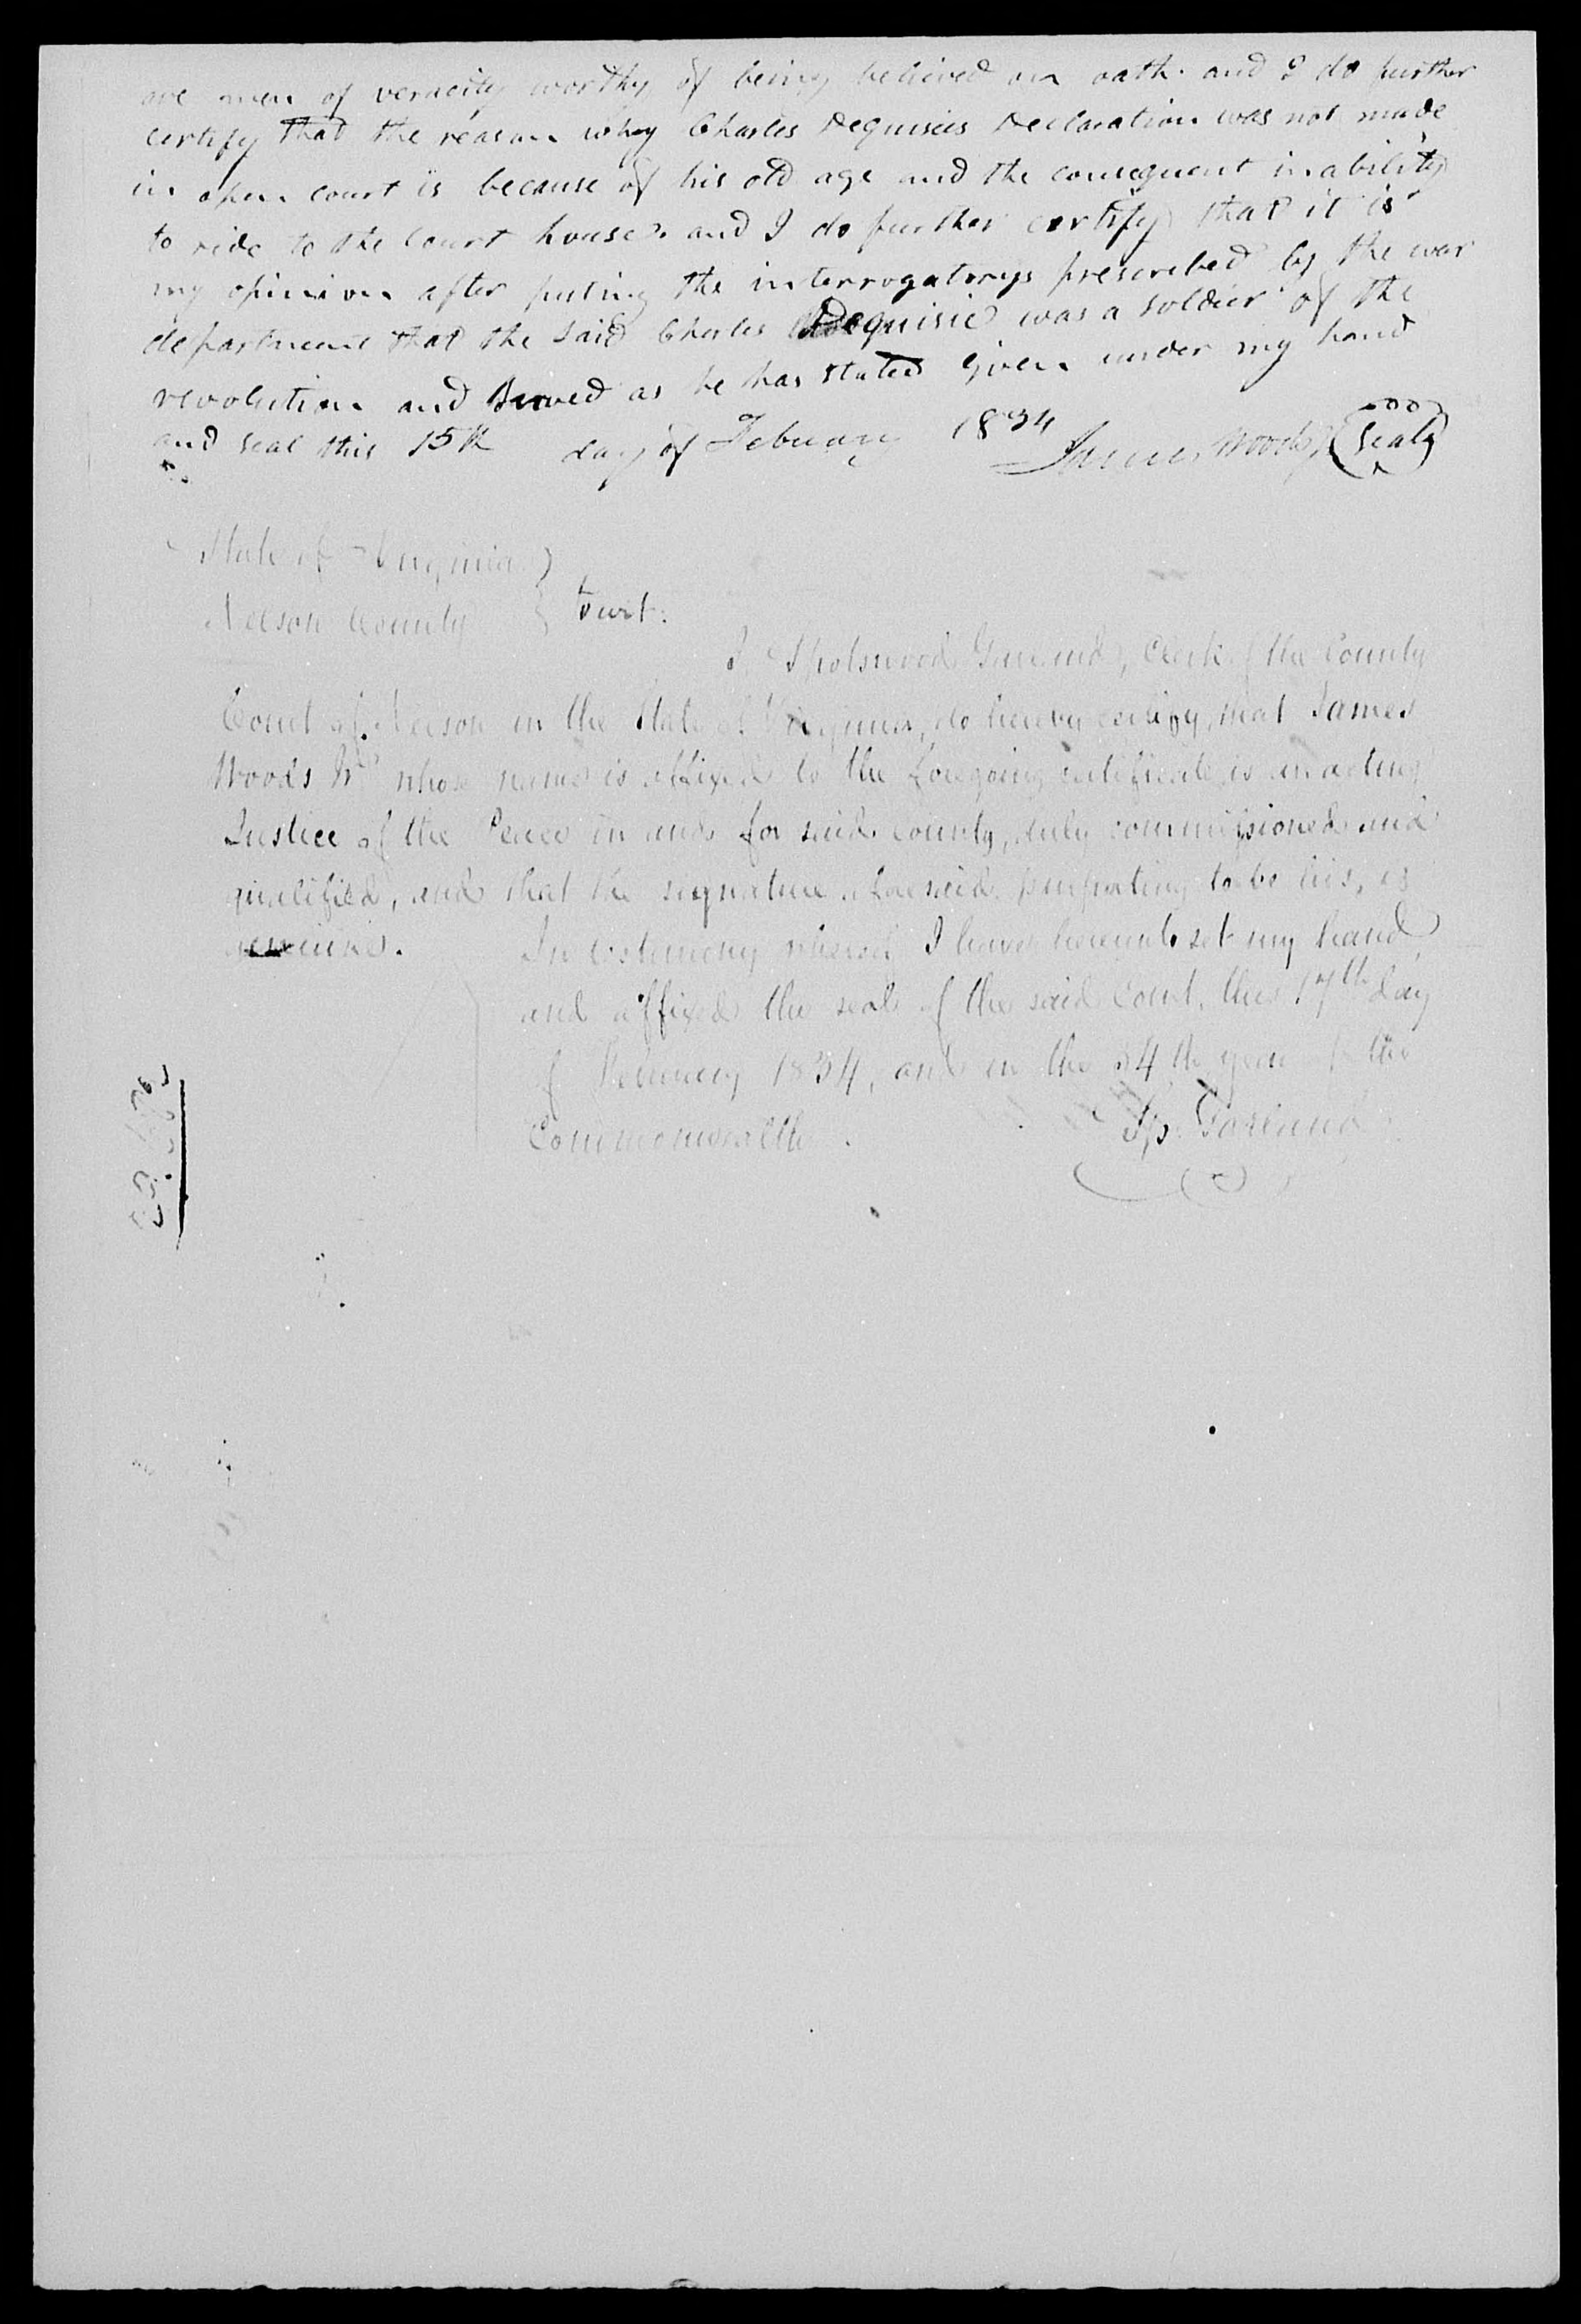are men of veracity worthy of being believed on oath and I do further certify that the reason why Charles Dequise's declaration was not made in open Court is because of his old age and the consequent inability to ride to the Court house, and I do further certify that it is my opinion after putting the interrogatories prescribed by the war department that the said Charles Dequisie was a soldier of the Revolution and served as he has stated. Given under my hand and seal this 15th day of February 1834

James Wood, Jr

State of Virginia
Nelson County

to wit

I Spotswood Garland, Clerk of the County Court of Nelson in the State of Virginia, do herby certify that James Woods Jr whose name is affixed to the foregoing certificate is an acting Justice of the Peace in and for said County, duly commissioned and qualified, and that the signature aforesaid purporting to be his, is genuine.

In testimony wherein I have hereunto set my hand and affixed the seal of the said Court, this 17th day
February 1834, and in the 34th year of the Commonwealth

Sp Garland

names: Charles Dequiseis, James Woods, James Woods, Charles Doquisie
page: 5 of 21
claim: rejected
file: R. 2,896, Charles Duzua, French